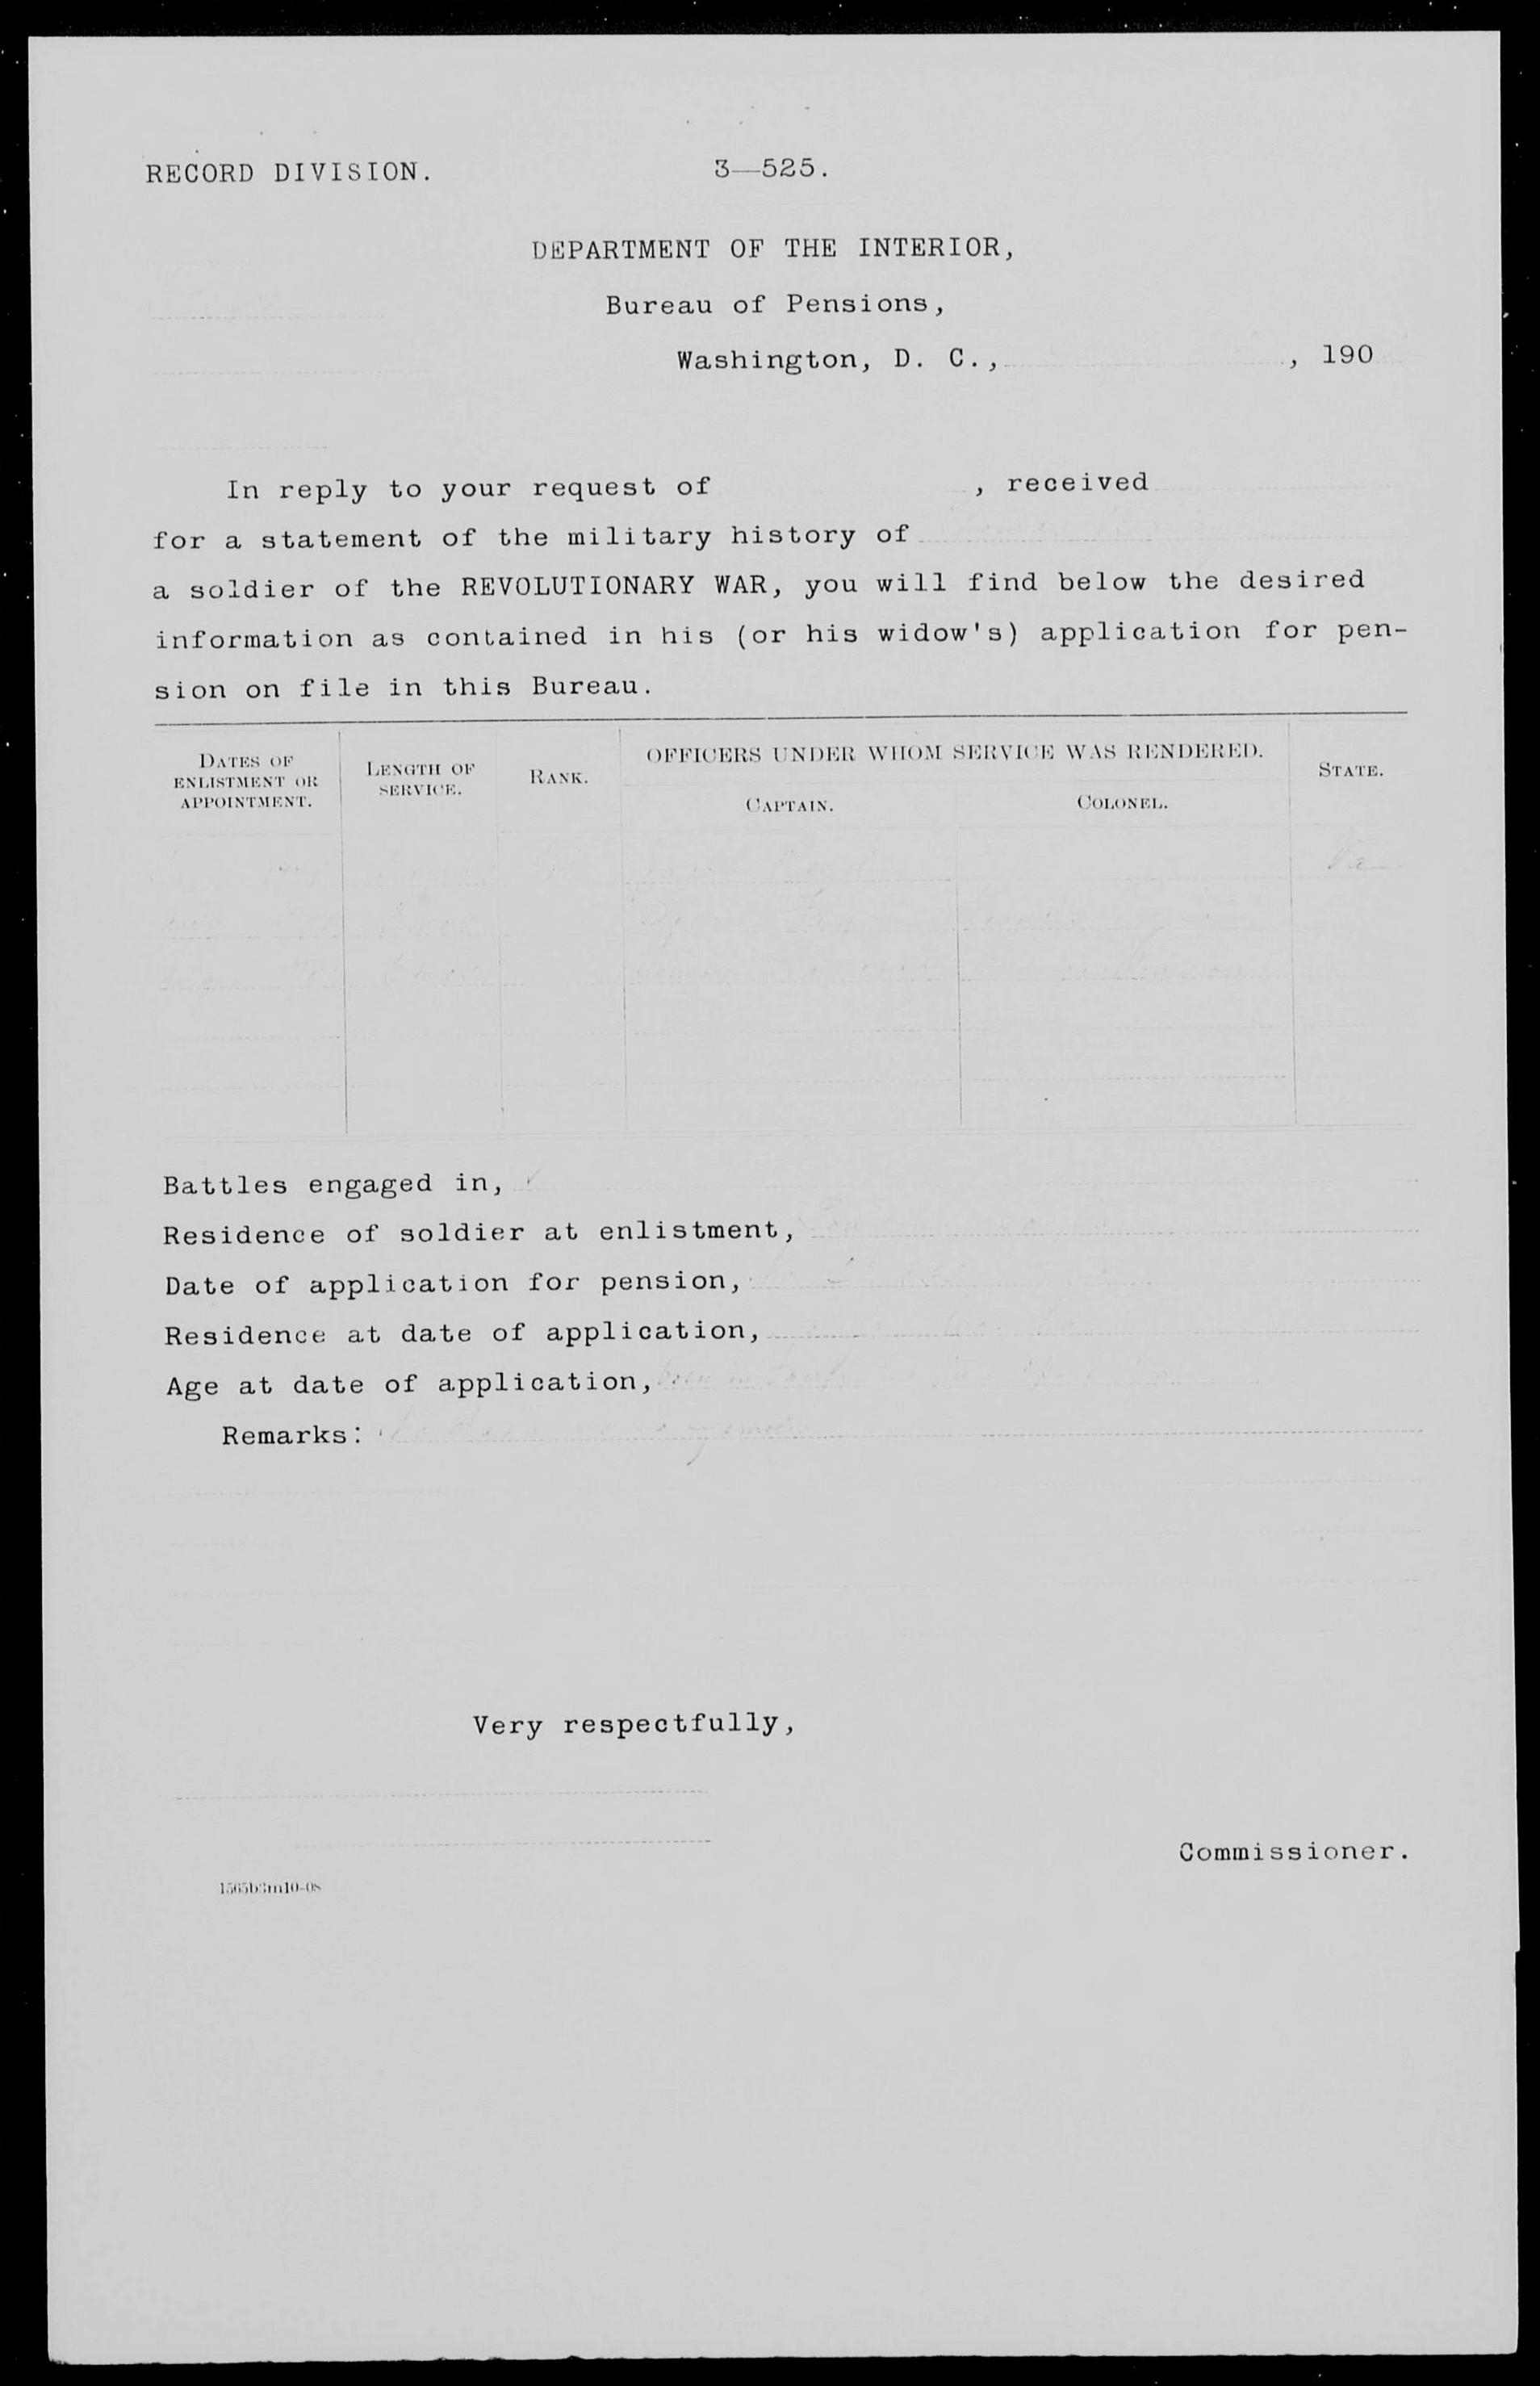RECORD DIVISION.    3-525.
DEPARTMENT OF THE INTERIOR,
Bureau of Pensions,
Washington, D.C.,      190

In reply to your request of      , received
for a statement of the military history of
a soldier of the REVOLUTIONARY WAR, you will find below the desired
information as contained in his (or his widow's) application for pen-
sion on file in this Bureau.
Dates of          Length of   Rank.    OFFICERS UNDER WHOM SERVICE WAS RENDERED.
enlistment or   service.                    CAPTAIN.     COLONEL.     STATE.
[It is possible that there is handwriting on this form, but it too faint to be able to read it.]

Battles engaged in,
Residence of soldier at enlistment,
Date of application for pension,
Residence at date of application,
Age at date of application,
Remarks:

Very respectfully,
Commissioner.

1565b3m10-0s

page: 18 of 18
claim: survivor's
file: S. 6578, Thomas Bailey, Va.